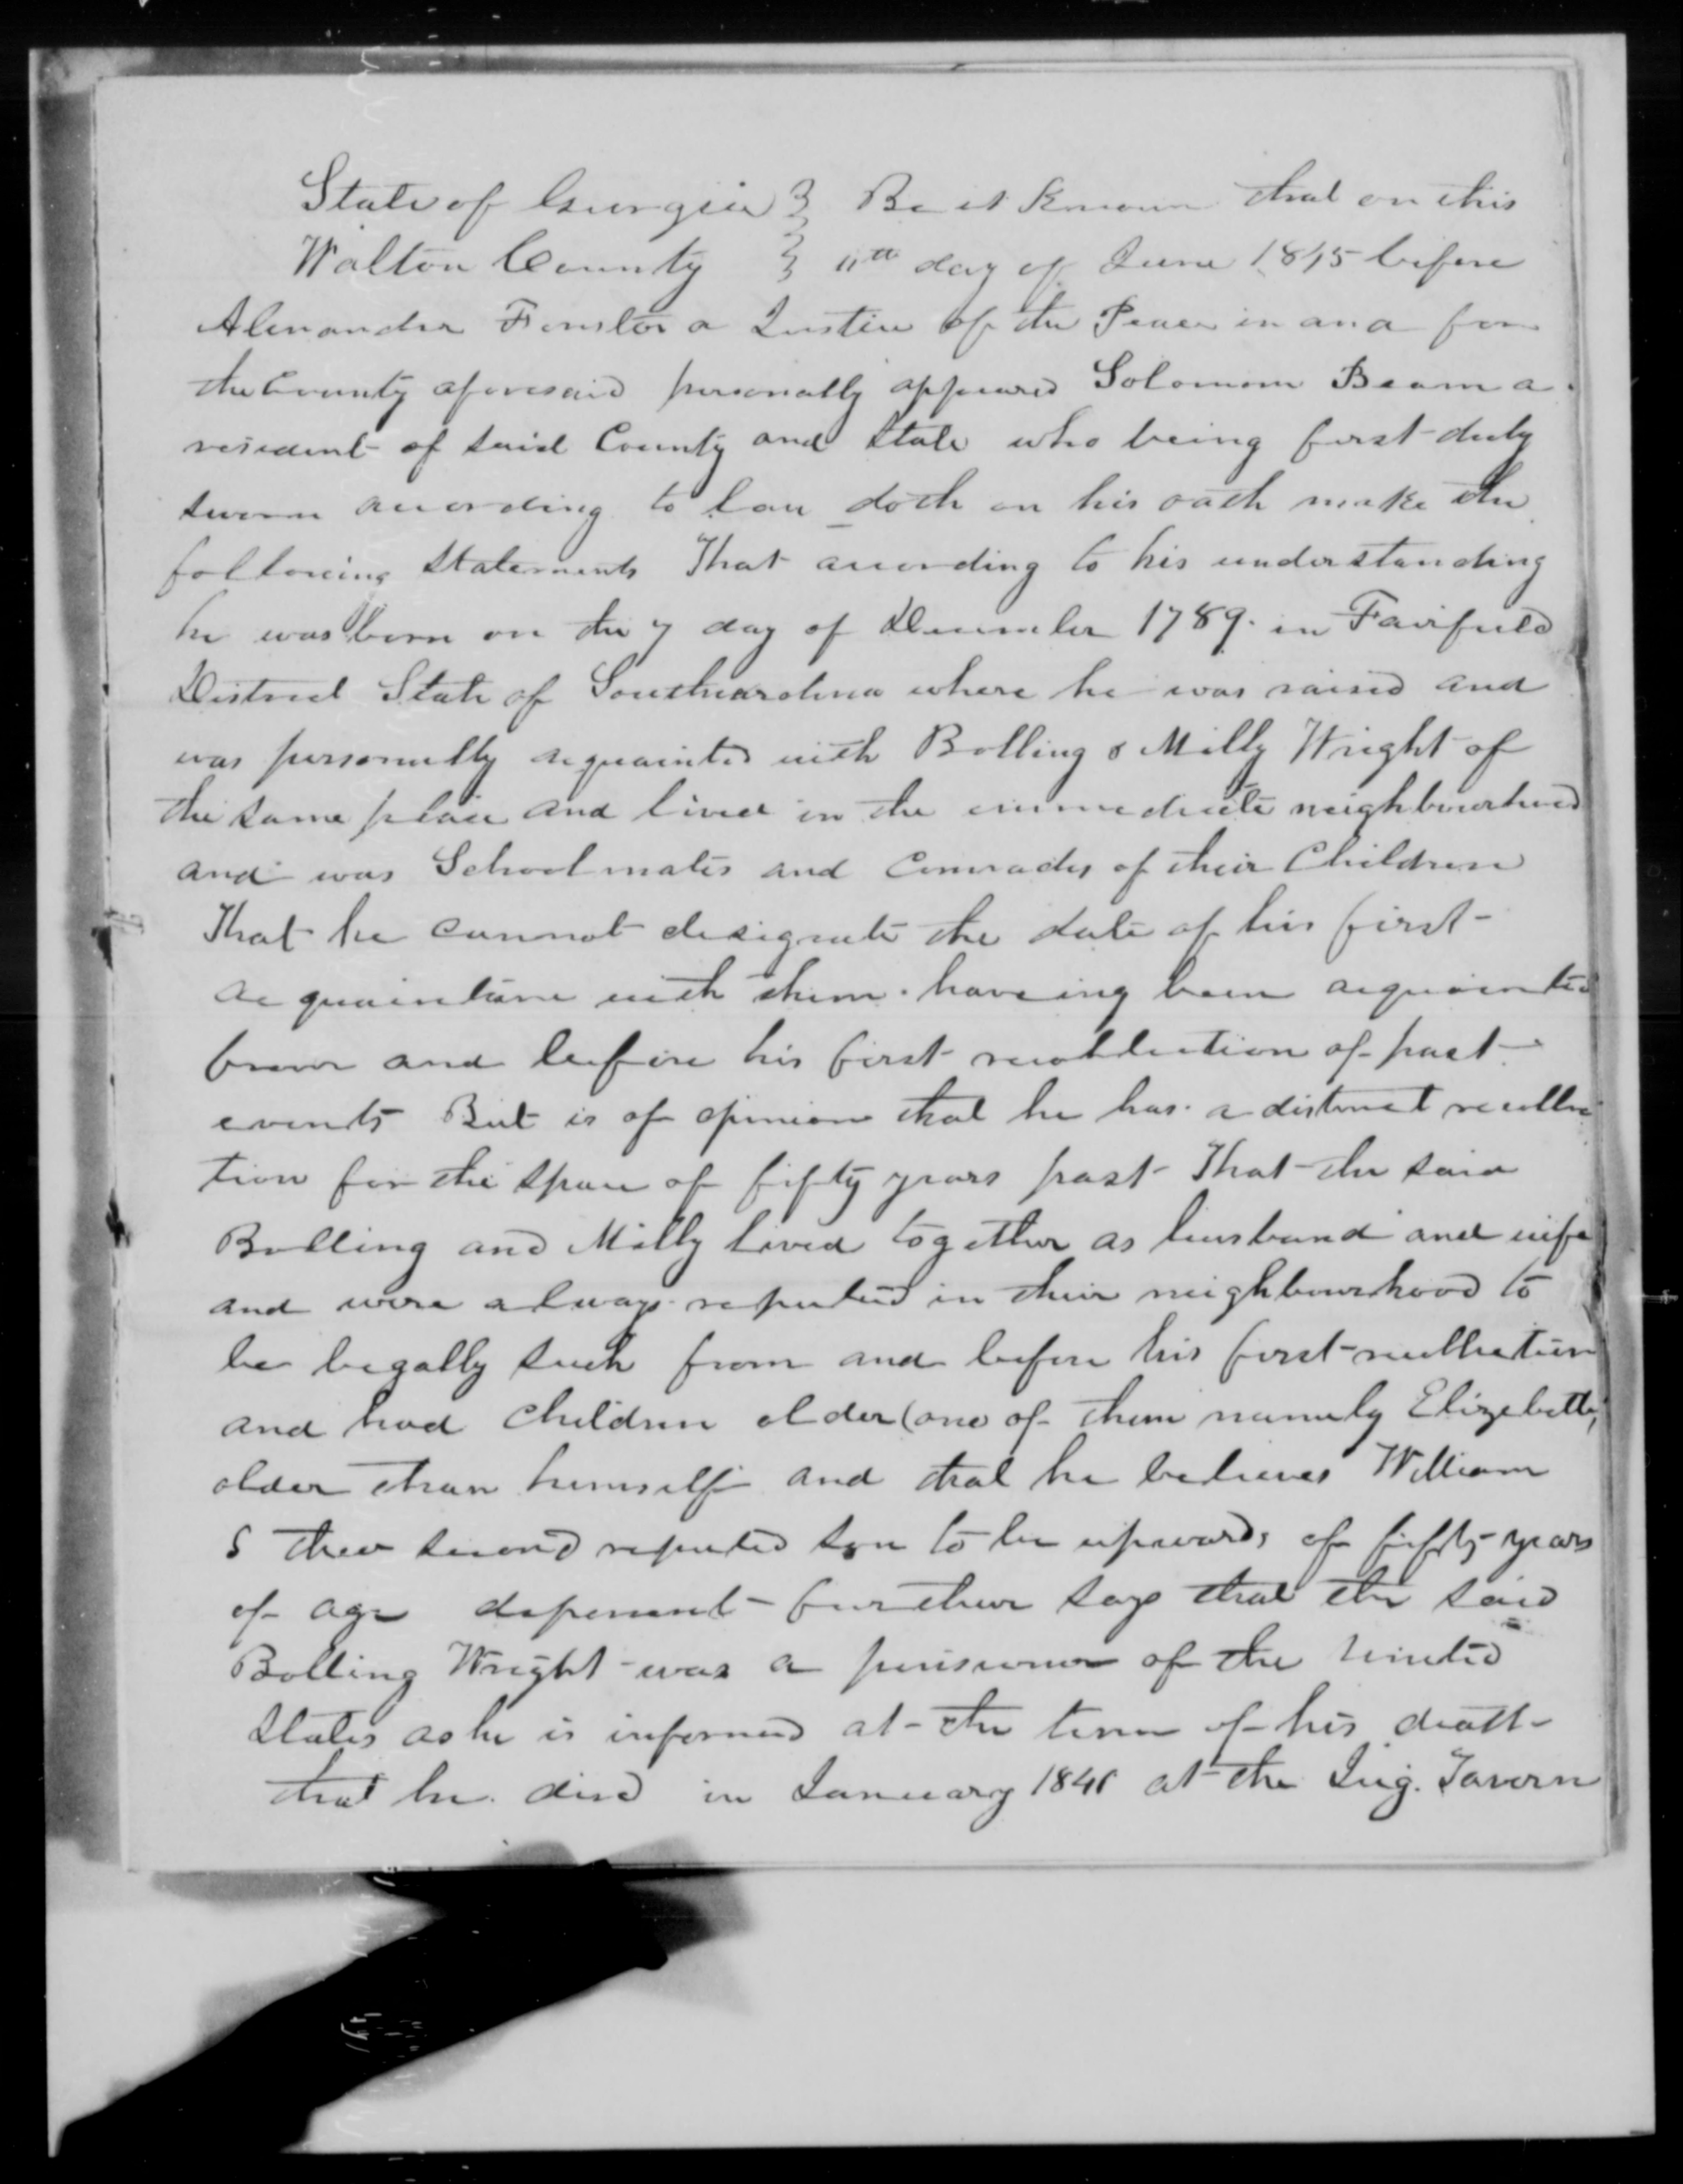State of Georgia  Be it known that on this
Walton County ⎬ 4th day of June 1845 before
Alexander Forester a Justice of the Peace in and for
the County aforesaid personally appeared Solomon Beam a 
resident of said County and State who being first duly
sworn according to law doth on his oath make the
following statements That according to his understanding
he was born on the 7 day of December 1789 in Fairfield
District State of Southcarolina where he was raised and
was personally acquainted with Bolling & Milly Wright of
the same place and lived in the immediate neighbourhood 
and was Schoolmates and comrades of their children
That he cannot designate the date of his first
acquaintance with them. haveing been acquainted
[illegible] and before his first recollection of past
events But is of opinion that he has a distinct recollection
for the space of fifty years past that the said
Bolling and Milly lived together as husband and wife
and were always reputed in their neighbourhood to
be legally such from and before his first recollection
and had children older (one of them namely Elizabeth,
older than himself and that he believes William
the second reputed son to be upwards of fifty years
of age deponent further says that the said
Bolling Wright was a pensioner of the United 
States as he is informed at the time of his death
that he died in January 1841 at the Jug. Tavern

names: William, Milly Wright, Solomon Beam, Alexander Forester, Bolling Wright, Elizabeth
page: 72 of 81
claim: widow's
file: W. 5183, Bolling Wright, Va.